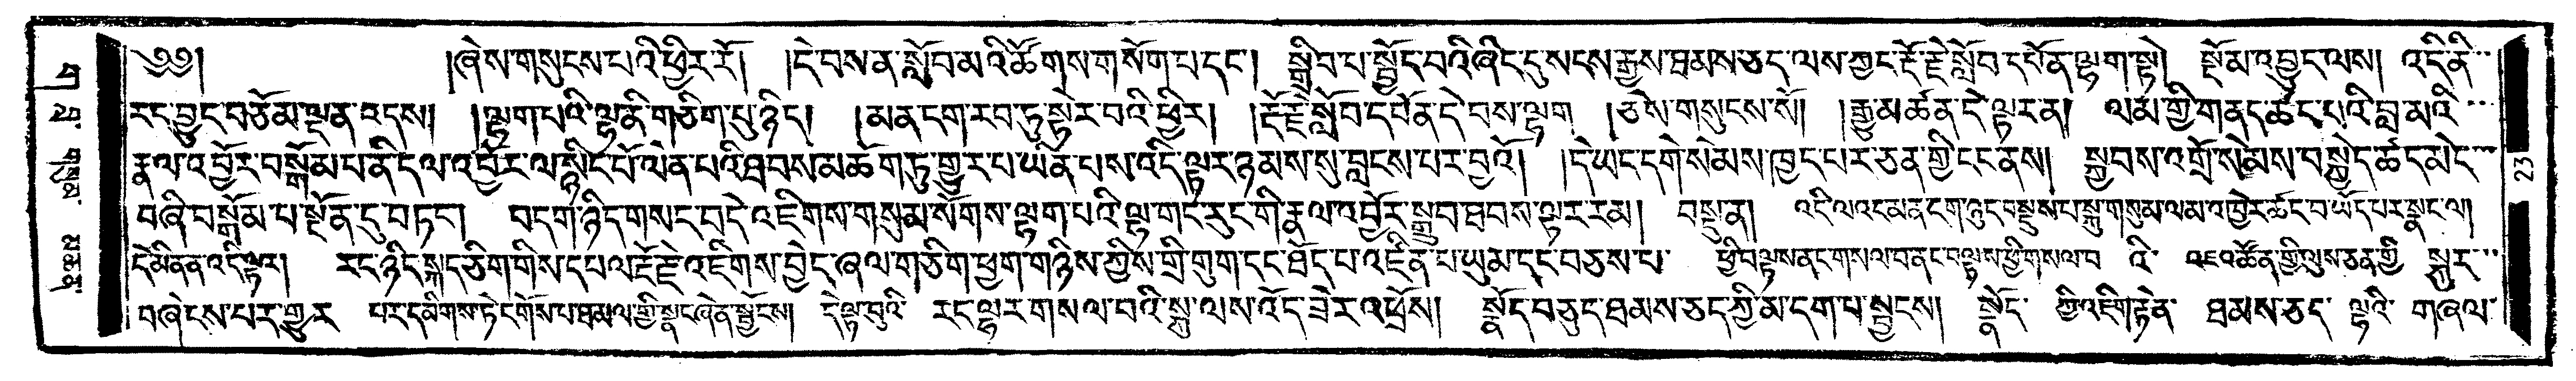༄༅། །ཞེས་གསུངས་པའི་ཕྱིར་རོ། །དེ་བས་ན་སློབ་མའི་ཚོགས་གསོག་པ་དང་། སྒྲིབ་པ་སྦྱོང་བའི་ཞིང་དུ་སངས་རྒྱས་ཐམས་ཅད་ལས་ཀྱང་རྡོ་རྗེ་སློབ་དཔོན་ལྷག་སྟེ། སྡོམ་འབྱུང་ལས། འདི་ནི་
རང་བྱུང་བཅོམ་ལྡན་འདས། །ལྷག་པའི་ལྷ་ནི་གཅིག་པུ་ཉིད། །མན་ངག་རབ་ཏུ་སྟེར་བའི་ཕྱིར། །རྡོ་རྗེ་སློབ་དཔོན་དེ་བས་ལྷག །ཅེས་གསུངས་སོ། །རྒྱུ་མཚན་དེ་ལྟར་ན། ལམ་གྱི་གནད་ཚང་པའི་བླ་མའི་
རྣལ་འབྱོར་བསྒོམ་པ་ནི་དལ་འབྱོར་ལ་སྙིང་པོ་ལེན་པའི་ཐབས་མཆོག་ཏུ་གྱུར་པ་ཡིན་པས་འདི་ལྟར་ཉམས་སུ་བླངས་པར་བྱའོ། །དེ་ཡང་དགེ་སེམས་ཁྱད་པར་ཅན་གྱི་ངང་ནས། སྐྱབས་འགྲོ་སེམས་བསྐྱེད་ཚད་མེད་
བཞི་བསྒོམ་པ་སྔོན་དུ་བཏང་། བདག་ཉིད་གསང་བདེ་འཇིགས་གསུམ་སོགས་ལྷག་པའི་ལྷ་གང་རུང་གི་རྣལ་འབྱོར་སྒྲུབ་ཐབས་ལྟར་རམ། བསྡུ་ན། འདི་ལའང་མན་ངག་ཉུང་བསྡུས་པ་སྐུ་གསུམ་ལམ་འཁྱེར་ཚང་བ་ཡོད་པར་སྣང་ལ།
དེ་མིན་ན་འདི་ལྟར། རང་ཉིད་སྐད་ཅིག་གིས་དཔལ་རྡོ་རྗེ་འཇིགས་བྱེད་ཞལ་གཅིག་ཕྱག་གཉིས་ཀྱིས་གྲི་གུག་དང་ཐོད་པ་འཛིན་པ་ཡུམ་དང་བཅས་པ་ཕྱི་བལྟས་ནང་གསལ་བ་ནང་བལྟས་ཕྱི་གསལ་བའི་འཇའ་ཚོན་གྱི་ལུས་ཅན་གྱི་སྐུར་
བཞེངས་པར་གྱུར་པར་དམིགས་ཏེ་དགོས་པ་ཐ་མལ་གྱི་སྣང་ཞེན་སྦྱོངས། དེ་ལྟ་བུའི་རང་ལྷར་གསལ་བའི་སྐུ་ལས་འོད་ཟེར་འཕྲོས། སྣོད་བཅུད་ཐམས་ཅད་ཀྱི་མ་དག་པ་སྦྱངས། སྣོད་ཀྱི་འཇིག་རྟེན་ཐམས་ཅད་ལྷའི་གཞལ་